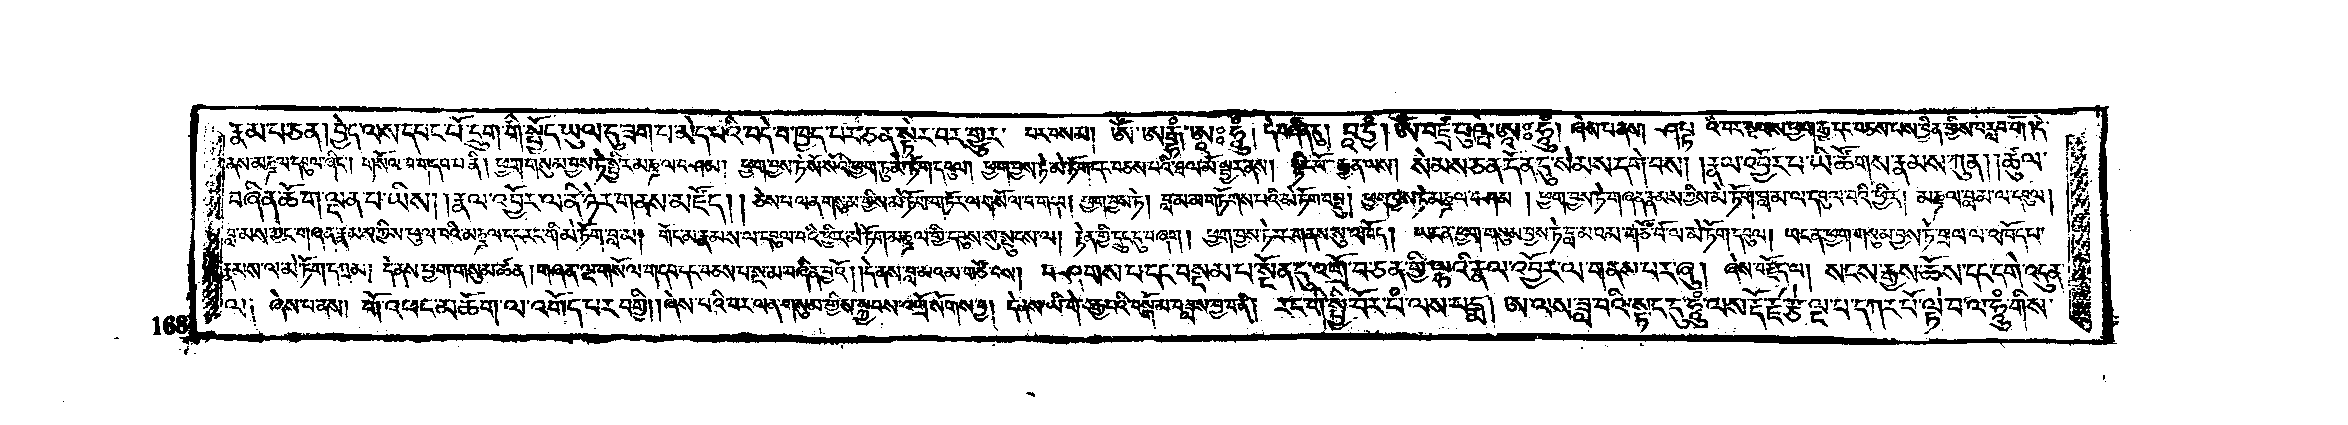རྣམ་པ་ཅན། བྱེད་ལས་དབང་པོ་དྲུག་གི་སྤྱོད་ཡུལ་དུ་ཟག་པ་མེད་པའི་བདེ་བ་ཁྱད་པར་ཅན་སྟེར་བར་གྱུར་པར་བསམ།  ཨོཾ་ཨརྒྷཾ་ཨཱཿ ཧཱུཾ། དེ་བཞིན་དུ།  པཱ་དྱཾ། ཨོཾ་བཛྲ་པུཥྤེ་ཨཱཿ ཧཱུཾ། ཞེས་པ་ནས། ཤཔྟའི་བར་སྔགས་ཕྱག་རྒྱ་དང་བཅས་པས་བྱིན་གྱིས་བརླབ་བོ། །དེ་
ནས་མཎྜལ་དབུལ་ཞིང་། གསོལ་བ་གདབ་པ་ནི། ཕྱག་གསུམ་བྱས་ཏེ་སྤྱིར་མཎྜལ་བཤམ། ཕྱག་བྱས་ཏེ་སོ་སོའི་ཕྱག་ཏུ་མེ་ཏོག་དབུལ། ཕྱག་བྱས་ཏེ་མེ་ཏོག་དང་བཅས་པའི་ཐལ་མོ་སྦྱར་ནས། སྙིང་པོ་རྒྱན་ལས། སེམས་ཅན་དོན་དུ་སེམས་དགེ་བས། །རྣལ་འབྱོར་པ་ཡི་ཚོགས་རྣམས་ཀུན། །ཚུལ་
བཞིན་ཆོ་ག་ལྡན་པ་ཡིས། །རྣལ་འབྱོར་ལ་ནི་ཉེར་གནས་མཛོད། །ཅེས་པ་ལན་གསུམ་གྱིས་མེ་ཏོག་གཏོར་ལ་གསོལ་བ་གདབ། ཕྱག་བྱས་ཏེ། བླ་མ་མ་གཏོགས་པའི་མེ་ཏོག་བསྡུ། ཕྱག་བྱས་ཏེ་མཎྜལ་བཤམ། ཕྱག་བྱས་ཏེ་གཞན་རྣམས་ཀྱིས་མེ་ཏོག་བླ་མ་ལ་དབུལ་བའི་ཕྱིར། མཎྜལ་བླ་མ་ལ་དབུལ།
བླ་མས་ཀྱང་གཞན་རྣམས་ཀྱིས་ཕུལ་བའི་མཎྜལ་དང་རང་གི་མེ་ཏོག་བླ་མ། གོང་མ་རྣམས་ལ་དབུལ་བའི་ཕྱིར་མེ་ཏོག་མཎྜལ་གྱི་དབུས་སུ་སྤུངས་ལ། རྟེན་གྱི་དྲུང་དུ་བཞག །ཕྱག་བྱས་ཏེ་རང་གནས་སུ་འཁོད། ཡང་ན་ཕྱག་གསུམ་བྱས་ཏེ་བླ་མའམ་གཙོ་བོ་ལ་མེ་ཏོག་དབུལ། ཡང་ན་ཕྱག་གསུམ་བྱས་ཏེ་གྲལ་ལ་འཁོད་པ་
རྣམས་ལ་མེ་ཏོག་དཀྲམ། དེ་ནས་ཕྱག་གསུམ་ཆེན། གཞན་ལྔ་གསོལ་གདབ་དང་བཅས་པ་སྔ་མ་བཞིན་བྱའོ། །དེ་ནས་བླ་མའམ་གཙོ་བས། བཤགས་པ་དང་བསྡམ་པ་སྔོན་དུ་འགྲོ་བ་ཅན་གྱི་ལྷའི་རྣལ་འབྱོར་ལ་གནས་པར་ཞུ། ཞེས་བརྗོད་ལ།  སངས་རྒྱས་ཆོས་དང་དགེ་འདུན་
ལ། ཞེས་པ་ནས།  གོ་འཕང་མཆོག་ལ་འགོད་པར་བགྱི། ། ཞེས་པའི་བར་ལན་གསུམ་གྱིས་སྐྱབས་འགྲོ་སོགས་བྱ། དེ་ནས་ཡི་གེ་བརྒྱ་པའི་བསྒོམ་བཟླས་བྱ་བ་ནི།  རང་གི་སྤྱི་བོར་པཾ་ལས་པདམ། ཨ་ལས་ཟླ་བའི་སྟེང་དུ་ཧཱུཾ་ལས་རྡོ་རྗེ་རྩེ་ལྔ་པ་དཀར་པོ་ལྟེ་བ་ལ་ཧཱུཾ་གིས་